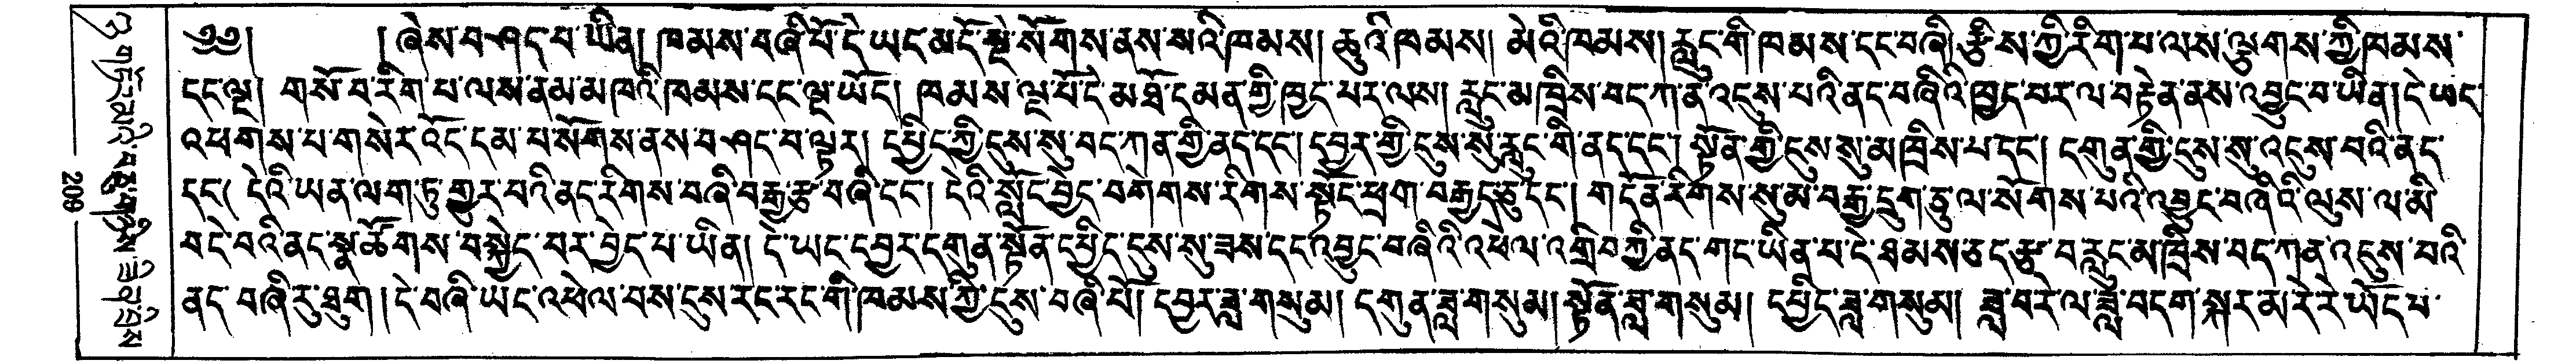༄༅། །ཞེས་བཤད་པ་ཡིན། ཁམས་བཞི་པོ་དེ་ཡང་མདོ་སྡེ་སོགས་ནས་སའི་ཁམས། ཆུའི་ཁམས། མེའི་ཁམས། རླུང་གི་ཁམས་དང་བཞི། རྩིས་ཀྱི་རིག་པ་ལས་ལྕགས་ཀྱི་ཁམས་
དང་ལྔ། གསོ་བ་རིག་པ་ལས་ནམ་མཁའི་ཁམས་དང་ལྔ་ཡོད། ཁམས་ལྔ་པོ་དེ་མཐོ་དམན་གྱི་ཁྱད་པར་ལས། རླུང་མཁྲིས་བད་ཀན་འདུས་པའི་ནད་བཞིའི་ཁྱད་པར་ལ་བརྟེན་ནས་འབྱུང་བ་ཡིན། དེ་ཡང་
འཕགས་པ་གསེར་འོད་དམ་པ་སོགས་ནས་བཤད་པ་ལྟར། དཔྱིད་ཀྱི་དུས་སུ་བད་ཀན་གྱི་ནད་དང་། དབྱར་གྱི་དུས་སུ་རླུང་གི་ནད་དང་། སྟོན་གྱི་དུས་སུ་མཁྲིས་པ་དང་། དགུན་གྱི་དུས་སུ་འདུས་པའི་ནད་
དང་། དེའི་ཡན་ལག་ཏུ་གྱུར་པའི་ནང་རིགས་བཞི་བརྒྱ་རྩ་བཞི་དང་། དེའི་སློང་བྱེད་བགེགས་རིགས་སྟོང་ཕྲག་བརྒྱད་ཅུ་དང་། གདོན་རིགས་སུམ་བརྒྱ་དྲུག་ཅུ་ལ་སོགས་པའི་འབྱུང་བཞིའི་ལུས་ལ་མི་
བདེ་བའི་ནང་སྣ་ཚོགས་བསྐྱེད་པར་བྱེད་པ་ཡིན། དེ་ཡང་དབྱར་དགུན་སྟོན་དབྱིད་དུས་སུ་ཟས་དང་འབྱུང་བཞིའི་འཕེལ་འགྲིབ་ཀྱི་ནད་གང་ཡིན་བ་དེ་ཐམས་ཅད་རྩ་བ་རླུང་མཁྲིས་བད་ཀན་འདུས་པའི་
ནད་བཞི་རུ་ཐུག །དེ་བཞི་ཡང་འཕེལ་བས་དུས་རང་རང་གི་ཁམས་ཀྱི་དུས་བཞི་པོ། དབྱར་ཟླ་གསུམ། དགུན་ཟླ་གསུམ། སྟོན་ཟླ་གསུམ། དབྱིད་ཟླ་གསུམ། ཟླ་བ་རེ་ལ་ཟླ་བདག་སྐར་མ་རེ་རེ་ཡོད་བ་